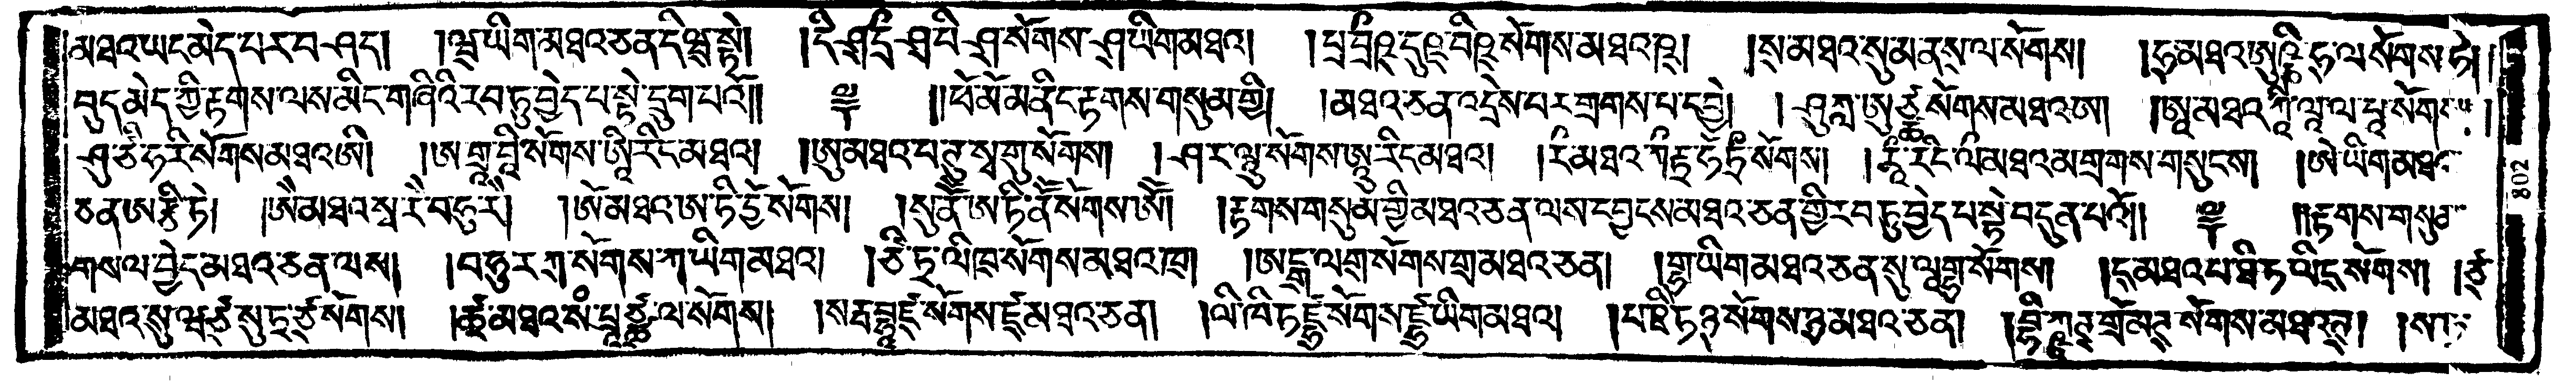མཐའ་ཡང་མེད་པར་བཤད། །ཝ་ཡིག་མཐའ་ཅན་དི་ཝ་སྟེ། །དི་ཤ་དྲྀ་ཤྲ་པི་སོགས་ཤ་ཡིག་མཐའ་།པྲ་པྲྀཥ་དུ་ཥ་བིཥ་སོགས་མཐའ་ཥ། །སྲ་མཐའ་སུམ་ནས་ལ་སོགས། །ཧྲ་མཐའ་ཨུ?་ཏྲ་ལ་སོགས་ཏེ། །
བུད་མེད་ཀྱི་རྟགས་ལས་མིང་གཞིའི་རབ་ཏུ་བྱེད་པ་སྟེ་དྲུག་པའོ།། །།ཕོ་མོ་མ་ནིང་རྟགས་གསུམ་གྱི། །མཐའ་ཅན་འདྲེས་པར་གྲགས་པ་དབྱེད། །ཤུ་ཀླ་ཨུ་ཙ་སོགས་མཐའ་ཨ། །ཨཱ་མཐའ་ཀཱ་ལཱ་ལ་པཱ་སོགས། །
ཤུ་ཅི་ཧ་རི་སོགས་མཐའ་ཨི། །ཨ་གྲུ་བཱི་སོགས་ཨཱི་རིང་མཐའ། །ཨུ་མཐའ་བ་ཊུ་སྭ་གུ་སོགས། །ཤར་ལཱུ་སོགས་ཨུ་རིང་མཐའ། །རྀ་མཐའ་ཀྀ་རྟྲ་ཧ་ཏྲཾ་སོགས། །རཱྀ་རིང་ལྀ་མཐའ་མ་གྲགས་གསུངས། །ཨེ་ཡིག་མཐའ་
ཅན་ཨ་རྩི་ཏེ། །ཨཻ་མཐའ་སྲ་རཻ་བ་ཧུ་ར། །ཨོ་མཐའ་ཨ་ཏི་དྱོ་སོགས། །སུ་ནཻ་ཨ་ཏི་ནཽ་སོགས་ཨཽ། །རྟགས་གསུམ་གྱི་མཐའ་ཅན་ལས་དབྱངས་མཐའ་ཅན་གྱི་རབ་ཏུ་བྱེད་པ་སྟེ་བདུན་པའོ། །རྟགས་གསུམ་
གསལ་བྱེད་མཐའ་ཅན་ལས། །བ་ཉ་རཀྲ་ཀ་ཡིག་མཐའ། །ཅི་ཏྲ་ལི་ཁ་སོགས་མཐའ་བ། །ཨ་དྷ་ལག་སོགས་གྲ་མཐའ་ཅན། །གྷ་ཡིག་མཐའ་ཅན་སུ་ལཱ་གྷ་སོགས། །ད་མཐའ་ཐི་ཏ་ཡི་དྲ་སོགས། །ཙ་མཐའ་སུ་ཝ་ཙ་སུ་ཏྲ་ཙ་སོགས། །ཚ་མཐའ་སཾ་པྲཱ་ཙྪ་ལ་སོགས། །སརྦ་བྷཱ་ཛ་སོགས་ཛུ་མཐའ་ཅན། །ལི་ཁི་ཏ་དྷ་སོགས་ཛྷ་ཡིག་མཐའ། །བ་ཊཿཨི་ཏྲཉ་སོགས་ཉ་མཐའ་ཅན། །བྷི་ཀཱ་ཊ་གྲ་མཊ་སོགས་མཐའ་ཊ། །ས་ཏ་